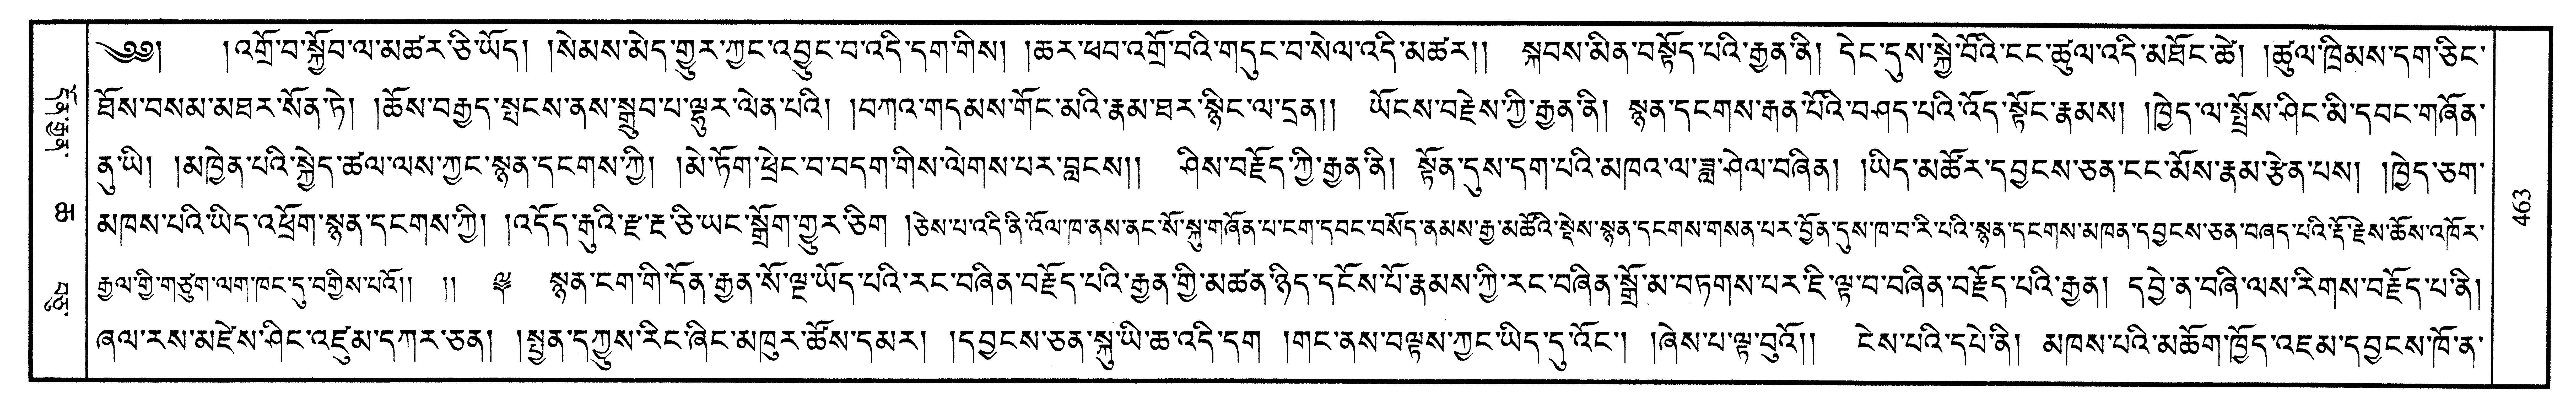༄༅། །འགྲོ་བ་སྐྱོབ་ལ་མཚར་ཅི་ཡོད། །སེམས་མེད་གྱུར་ཀྱང་འབྱུང་བ་འདི་དག་གིས། །ཆར་ཕབ་འགྲོ་བའི་གདུང་བ་སེལ་འདི་མཚར། །སྐབས་མིན་བསྟོད་པའི་རྒྱན་ནི། དེང་དུས་སྐྱེ་བོའི་ངང་ཚུལ་འདི་མཐོང་ཚེ། །ཚུལ་ཁྲིམས་དག་ཅིང་
ཐོས་བསམ་མཐར་སོན་ཏེ། །ཆོས་བརྒྱད་སྤངས་ནས་སྒྲུབ་པ་ལྷུར་ལེན་པའི། །བཀའ་གདམས་གོང་མའི་རྣམ་ཐར་སྙིང་ལ་དྲན། །ཡོངས་བརྗེས་ཀྱི་རྒྱན་ནི། སྙན་དངགས་རྒན་པོའི་བཤད་པའི་འོད་སྟོང་རྣམས། །ཁྱེད་ལ་སྤྲོས་ཤིང་མི་དབང་གཞོན་
ནུ་ཡི། །མཁྱེན་པའི་སྐྱེད་ཚལ་ལས་ཀྱང་སྙན་དངགས་ཀྱི། །མེ་ཏོག་ཕྲེང་བ་བདག་གིས་ལེགས་པར་བླངས། །ཤིས་བརྗོད་ཀྱི་རྒྱན་ནི། སྟོན་དུས་དག་པའི་མཁའ་ལ་ཟླ་ཤེལ་བཞིན། །ཡིད་མཚོར་དབྱངས་ཅན་ངང་མོས་རྣམ་རྩེན་པས། །ཁྱེད་ཅག་
མཁས་པའི་ཡིད་འཕྲོག་སྙན་དངགས་ཀྱི། །འདོད་རྒུའི་རྫ་རྔ་ཅི་ཡང་སྒྲོག་གྱུར་ཅིག །ཅེས་པ་འདི་ནི་འོལ་ཁ་ནས་ནང་སོ་སྐུ་གཞོན་པ་ངག་དབང་བསོད་ནམས་རྒྱ་མཚོའི་སྡེས་སྙན་དངགས་གསན་པར་བྱོན་དུས་ཁ་བ་རི་པའི་སྙན་དངགས་མཁན་དབྱངས་ཅན་བཞད་པའི་རྡོ་རྗེས་ཆོས་འཁོར་
རྒྱལ་གྱི་གཙུག་ལག་ཁང་དུ་བགྱིས་པའོ།། །། ༈ སྙན་ངག་གི་དོན་རྒྱན་སོ་ལྔ་ཡོད་པའི་རང་བཞིན་བརྗོད་པའི་རྒྱན་གྱི་མཚན་ཉིད་དངོས་པོ་རྣམས་ཀྱི་རང་བཞིན་སྒྲོ་མ་བཏགས་པར་ཇི་ལྟ་བ་བཞིན་བརྗོད་པའི་རྒྱན། དབྱེ་ན་བཞི་ལས་རིགས་བརྗོད་པ་ནི།
ཞལ་རས་མཛེས་ཤིང་འཛུམ་དཀར་ཅན། །སྤྱན་དཀྱུས་རིང་ཞིང་མཁུར་ཚོས་དམར། །དབྱངས་ཅན་སྐུ་ཡི་ཆ་འདི་དག །གང་ནས་བལྟས་ཀྱང་ཡིད་དུ་འོང་། །ཞེས་པ་ལྟ་བུའོ།། ངེས་པའི་དཔེ་ནི། མཁས་པའི་མཆོག་ཁྱོད་འཇམ་དབྱངས་ཁོ་ན་